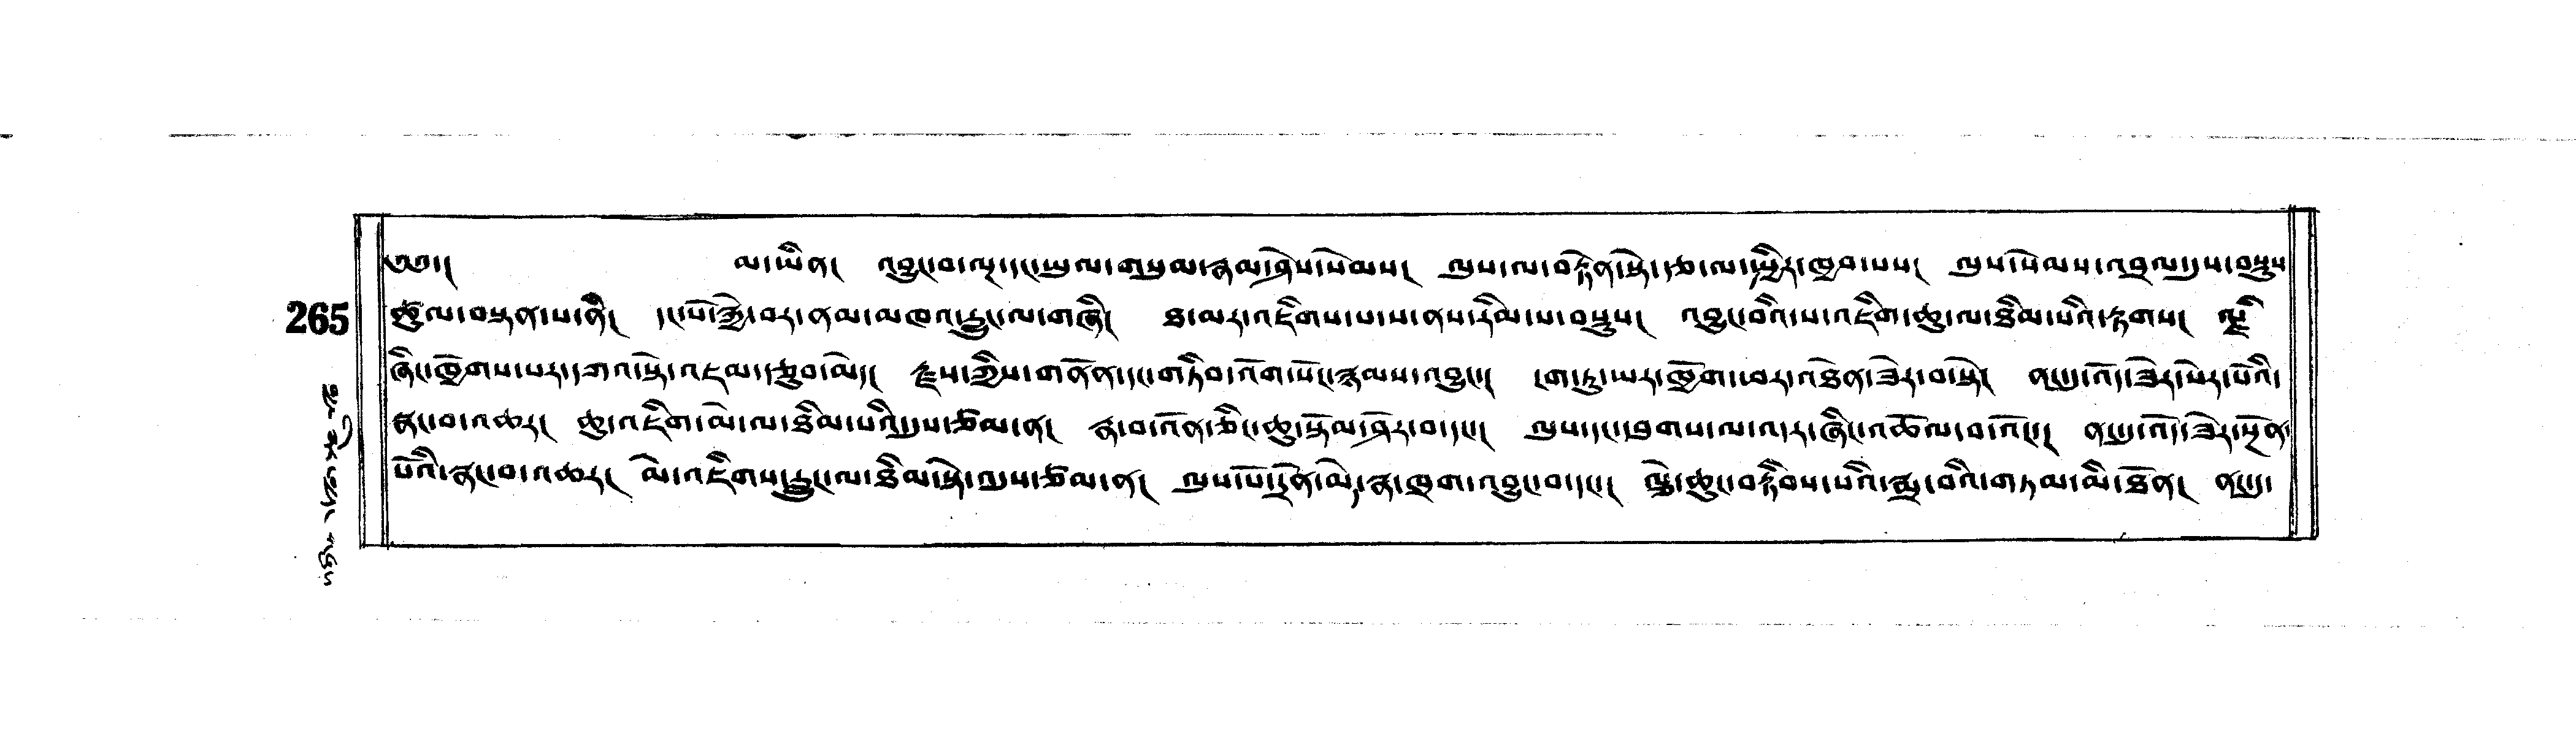མ་ཡིན། འབྱུང་བ་ལྔ་དང་ཡུལ་གསུམ་རྣམ་ཤེས་སེམས། ལུས་ལ་བརྟེན་ཏེ་རྩ་ལ་སྤྱིར་ཁྱབ་པས། ལུས་སེམས་འབྲལ་དུས་བསྡུས་
ཚུལ་བསྟན་པ་ནི། དང་པོ་སྐྱེ་བར་ནམ་མཁའ་རླུང་ལ་གཞི། ཐ་མར་འཇིགས་པ་ས་ནས་རིམ་པ་བསྡུས། འབྱུང་བའི་ས་འཇིགས་ཆུ་ལ་ཐིམ་པའི་རྟགས། ལྗི་
ཞིང་ཁྱོགས་པར་དཀའ་སྟེ་འཇམ་རྩུབ་མེད། རྫས་ཀྱིས་གནོང་དང་གཏིབ་འོག་སོང་སྙམ་འབྱུང་། ངག་ཏུ་ཡར་ཁྱོག་མར་འཐེན་ཟེར་བ་སྟེ། ནང་དུ་འོད་ཟེར་སེར་པོའི་
སྣང་བ་འཆར། ཆུ་འཇིག་མེ་ལ་ཐིམ་པའི་དུས་ཙམ་ན། རྣ་བ་འོན་ཅིང་ཆུ་སྡོམ་ཤོར་བ་དང་། ལུས་དང་དབུགས་ལ་འདར་ཞིང་འཆོལ་བ་འོང་། ནང་དུ་འོད་ཟེར་སྔོན་
པོའི་སྣང་བ་འཆར། མེ་འཇིག་རླུང་ལ་ཐིམ་པའི་དུས་ཙམ་ན། ལུས་པོ་དྲོན་མེད་སྣ་ཁྲག་འབྱུང་བ་དང་། ལྕེ་ཆུང་གཏིབས་པས་སྨྲ་བའི་གཏམ་མི་ཐོན། ནང་དུ་